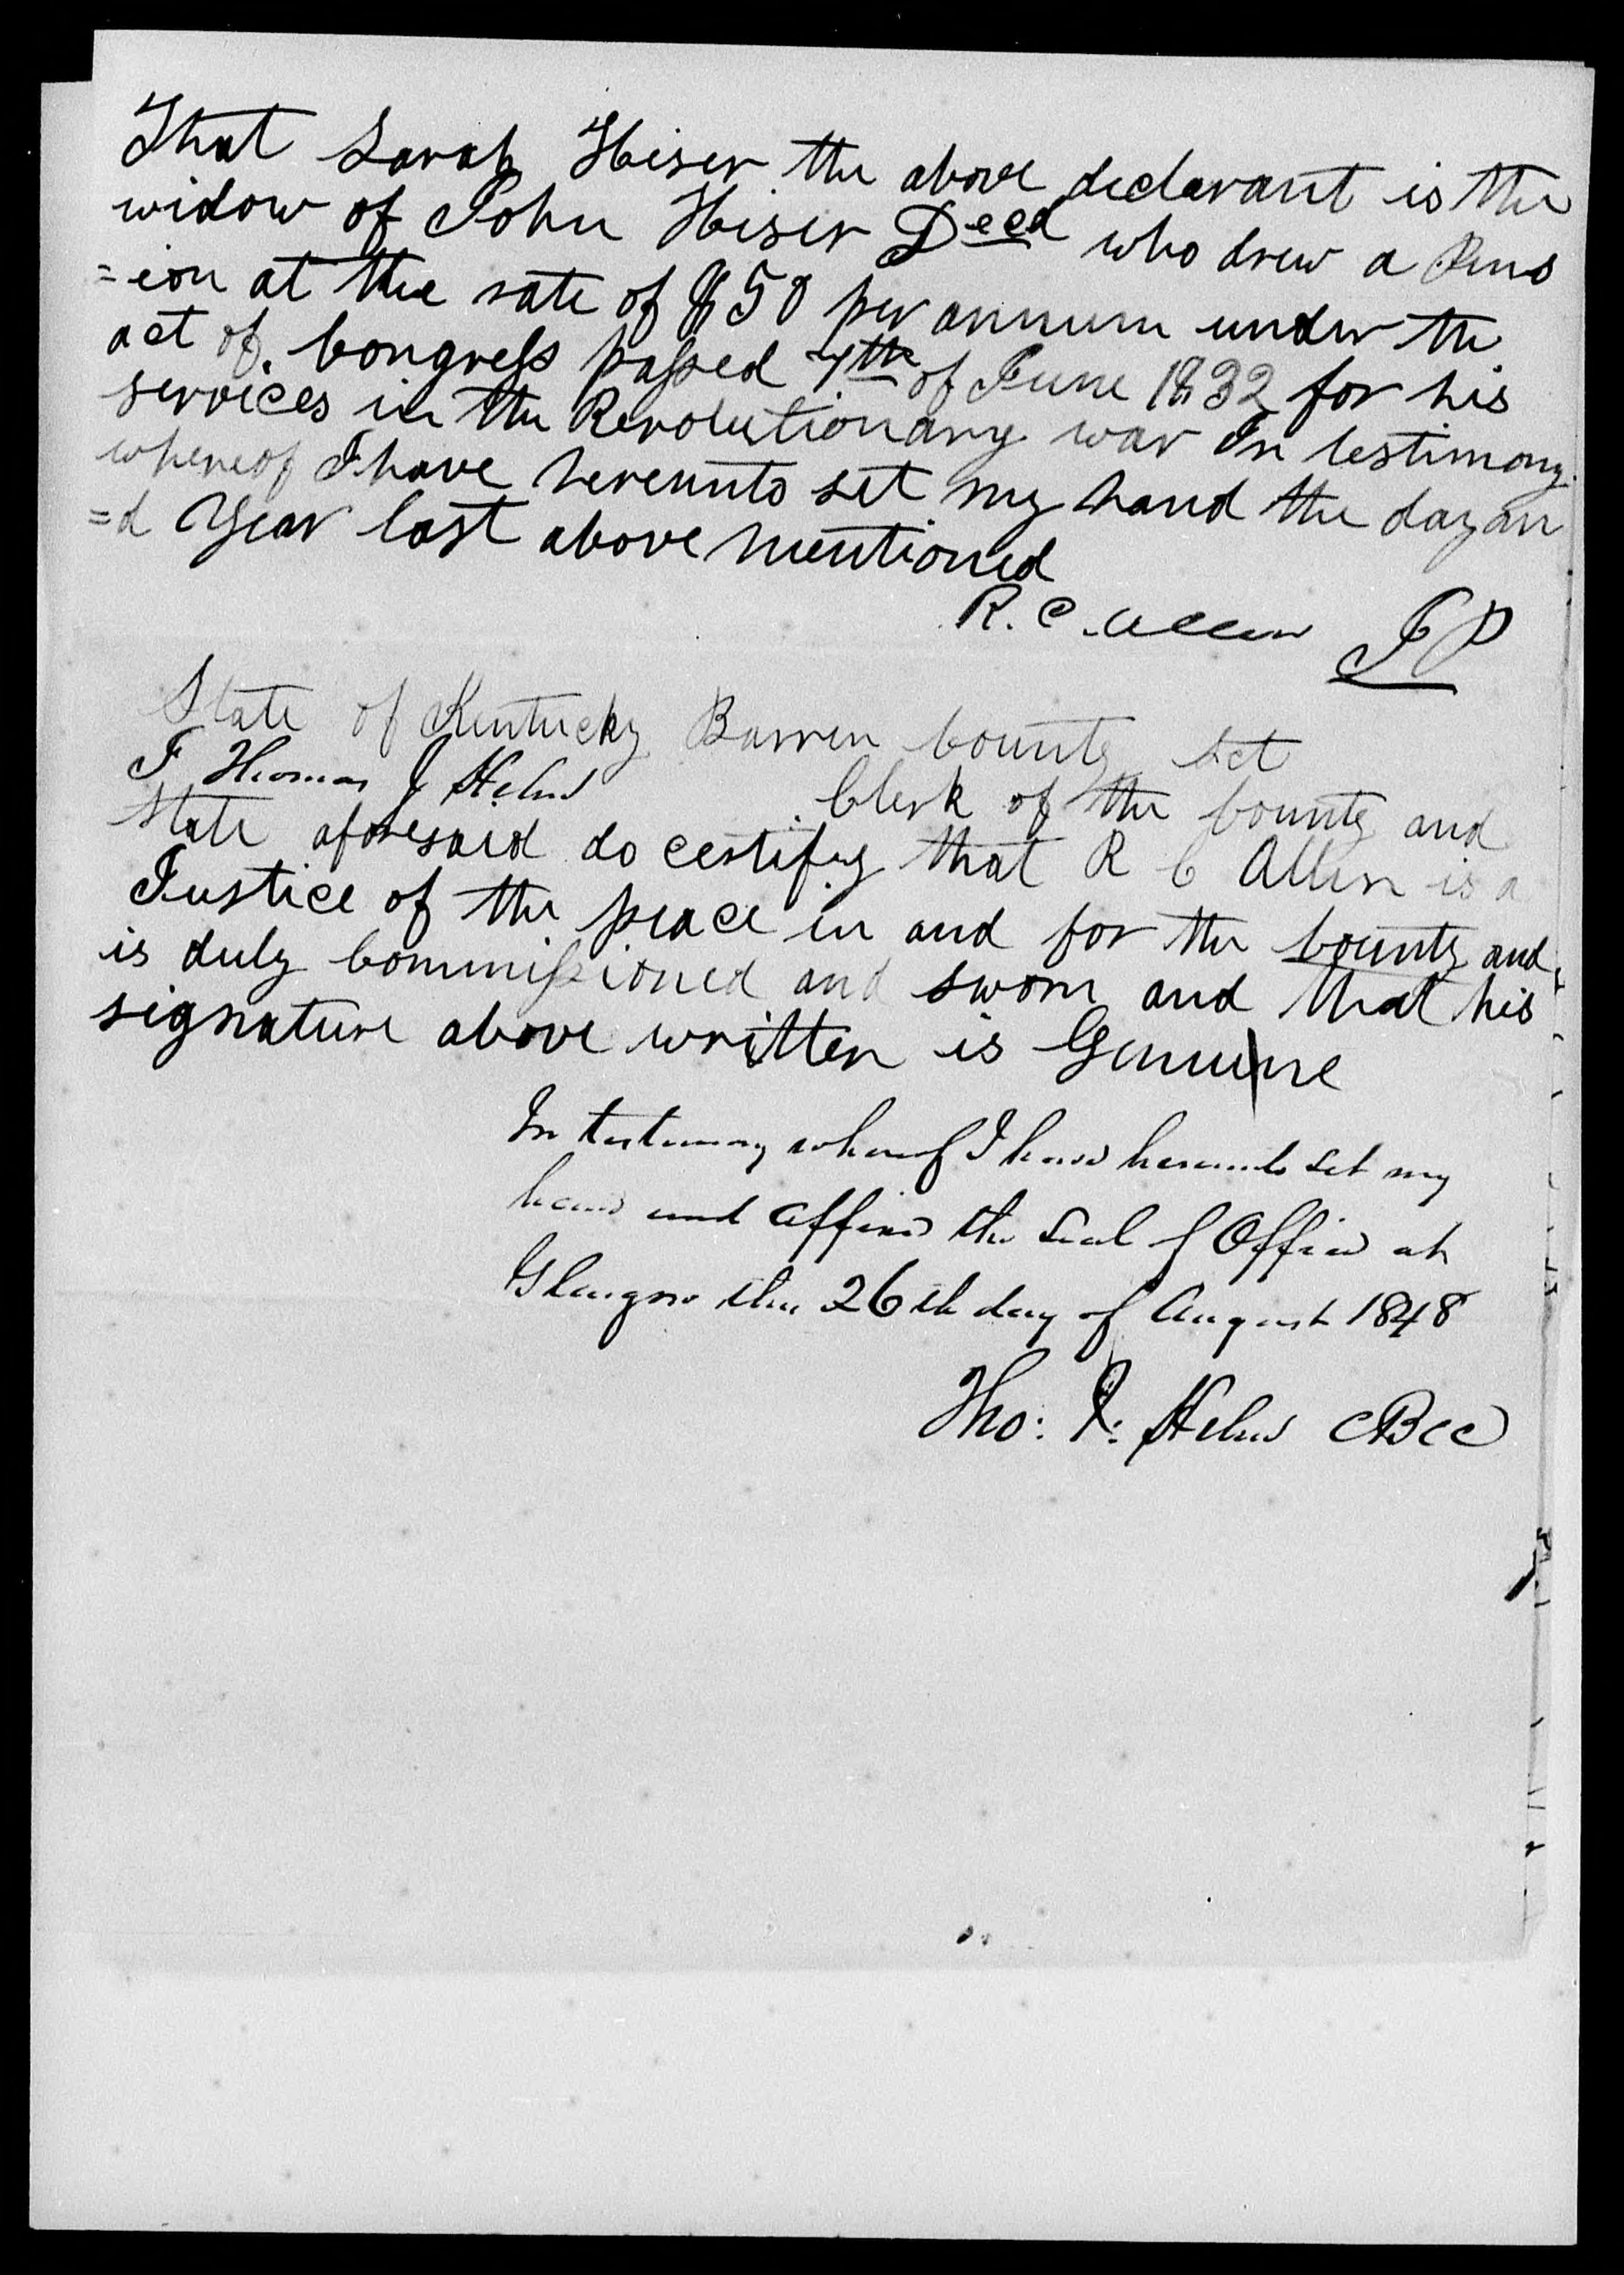That Sarah Hiser the above declarant is the widow of John Hiser Dec'd who drew a Pension at the rate of $50 per annum under the act of Congress passed 7th of June 1832 for his services in the Revolutionary war  In testimony whereof I have hereunto set my hand the day and year last above mentioned
R. C. Allen JP

State of Kentucky Barren County. Sct
I Thomas J. Helm Clerk of the County and State aforesaid do certify that R. C. Allen is a Justice of the Peace in and for the County and is duly Commissioned and Sworn and that his signature above written is Genuine
In testimony whereof I have hereunto Set my hand and affixed the Seal of Office at Glasgow this 26th day of August 1848
Thos. J. Helm CBCC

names: Sarah Hiser, R C Allen, John Hiser, Tho J Helm, R C Allen, Thomas J Helm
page: 39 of 58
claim: widow's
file: W. 8932, John Hiser, Penn.